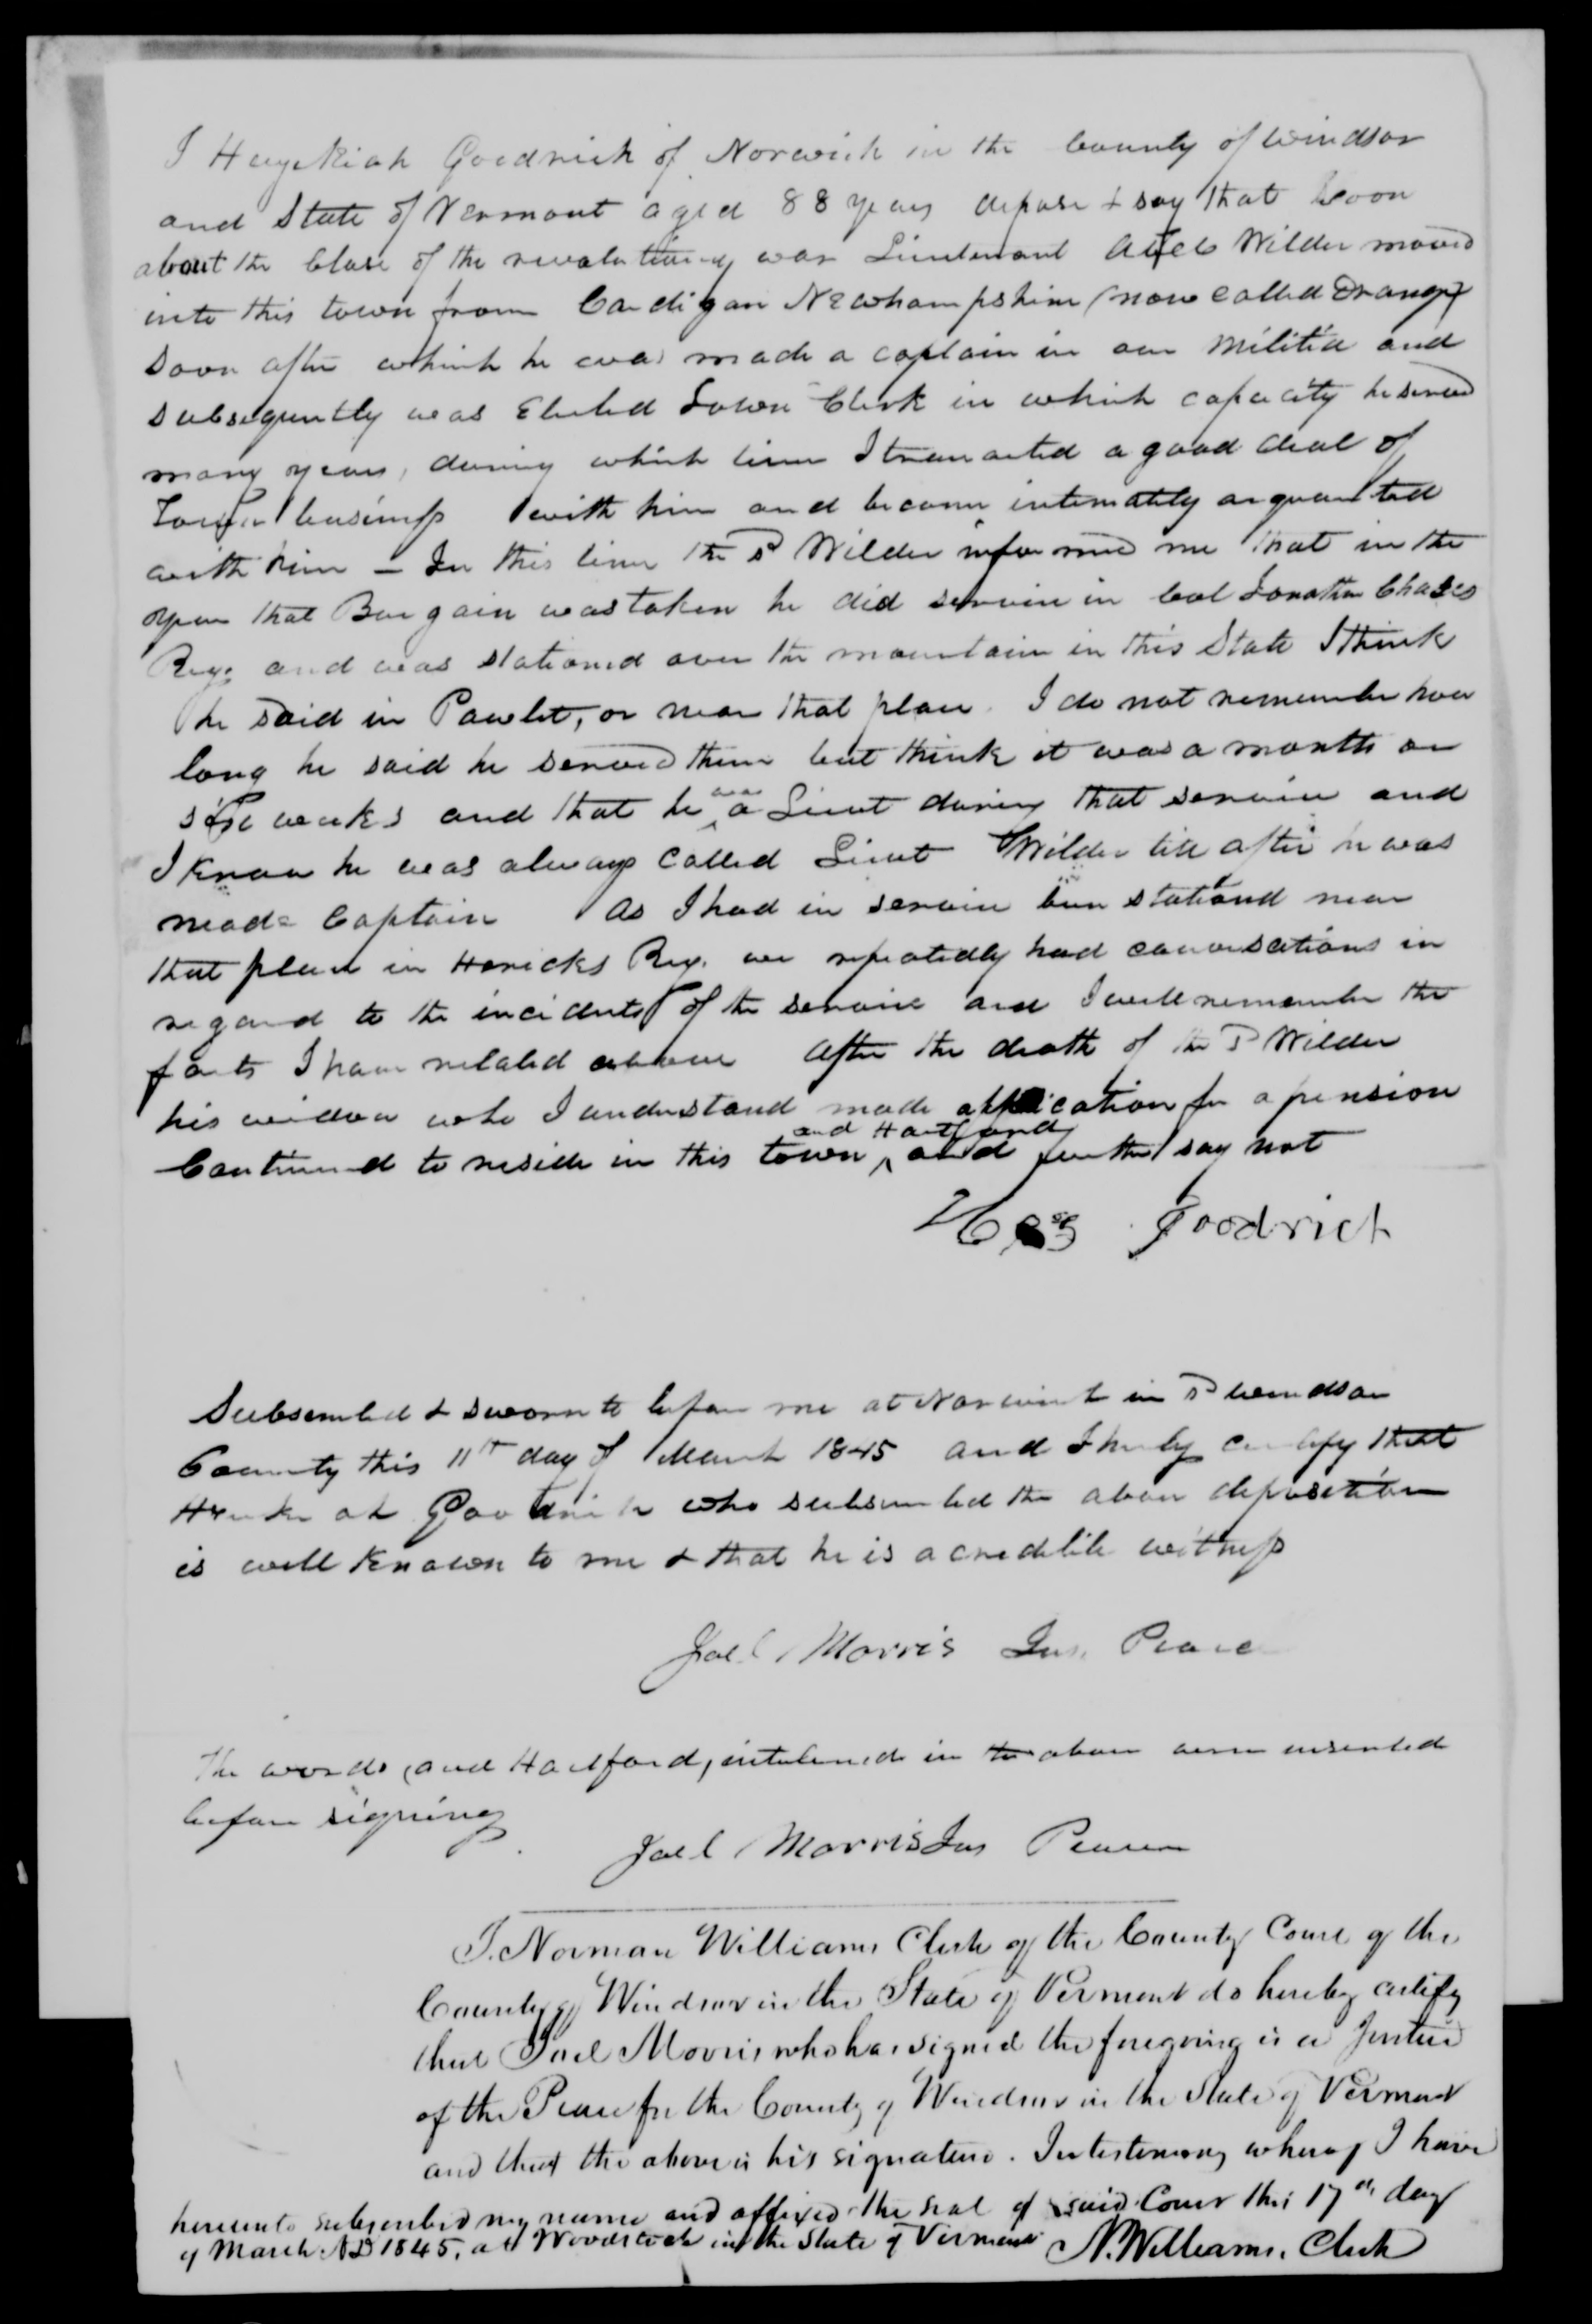I Hezekiah Goodrich of Norwich in the County of Windsor
and State of Vermont aged 88 years depose & say that soon
about the close of the revolution war Lieutenant Abel Wilder moved
into this town from Cardigan New Hampshire (now called Orange)
soon after which he was made a captain in our Militia and
subsequently was elected Town Clerk in which capacity he served
many years, during which time I transacted a good deal of
town business with him and become intimately acquainted with
him.-- In this time the said Wilder informed me that in his
opinion that Bargain was taken he did service in Col Jonathan Chases
Reg and was stationed over the mountain in this State I think
he said in Pawlet, or near that place.  I do not remember how
long he said he served them but think it was a month or
6 weeks and that he was a Lieut. during that service and
I know he was always called Lieut. Wilder till after he was
made Captain. As I had in service been stationed near
that place in Hericks Reg. we repeatedly had conversations in
regard to the incidents of his service and I well remember the
facts I have related above after the death of said Wilder
his widow who I understand made application for a pension
continued to reside in this town and Hartford and to further say not.
 (signed) Hez Goodrich

Subscribed & sworn to before me at Norwich in Windsor
County this 11th day of March 1845 and I hereby certify that
Hezekiah Goodrich who subscribed the above deposition
is well known to me & that he is a credible witness.
Joel Morris, Jus. Peace
The words (and Hartford, interlined in the above were inserted before signing.
Joel Morris, Jus Peace

I Norman Williams Clerk of the County Court of the
County of Windsor in the State of Vermont do hereby certify
that Joel Morris who has signed the foregoing is a Justice
of the Peace for the County of Windsor in the State of Vermont
and that the above is his signature. In testimony whereof I have
hereunto subscribed my name and affixed the seal of said Court this 17th day of March A D 1845, at Woodstock in the State of Vermont.
N. Williams, Clerk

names: Hezekiah Goodrich, Norman Williams, Abel Wilder, Joel Morris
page: 36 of 40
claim: widow's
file: W. 18,426, Abel Wilder, Mass. N.H. Vt.